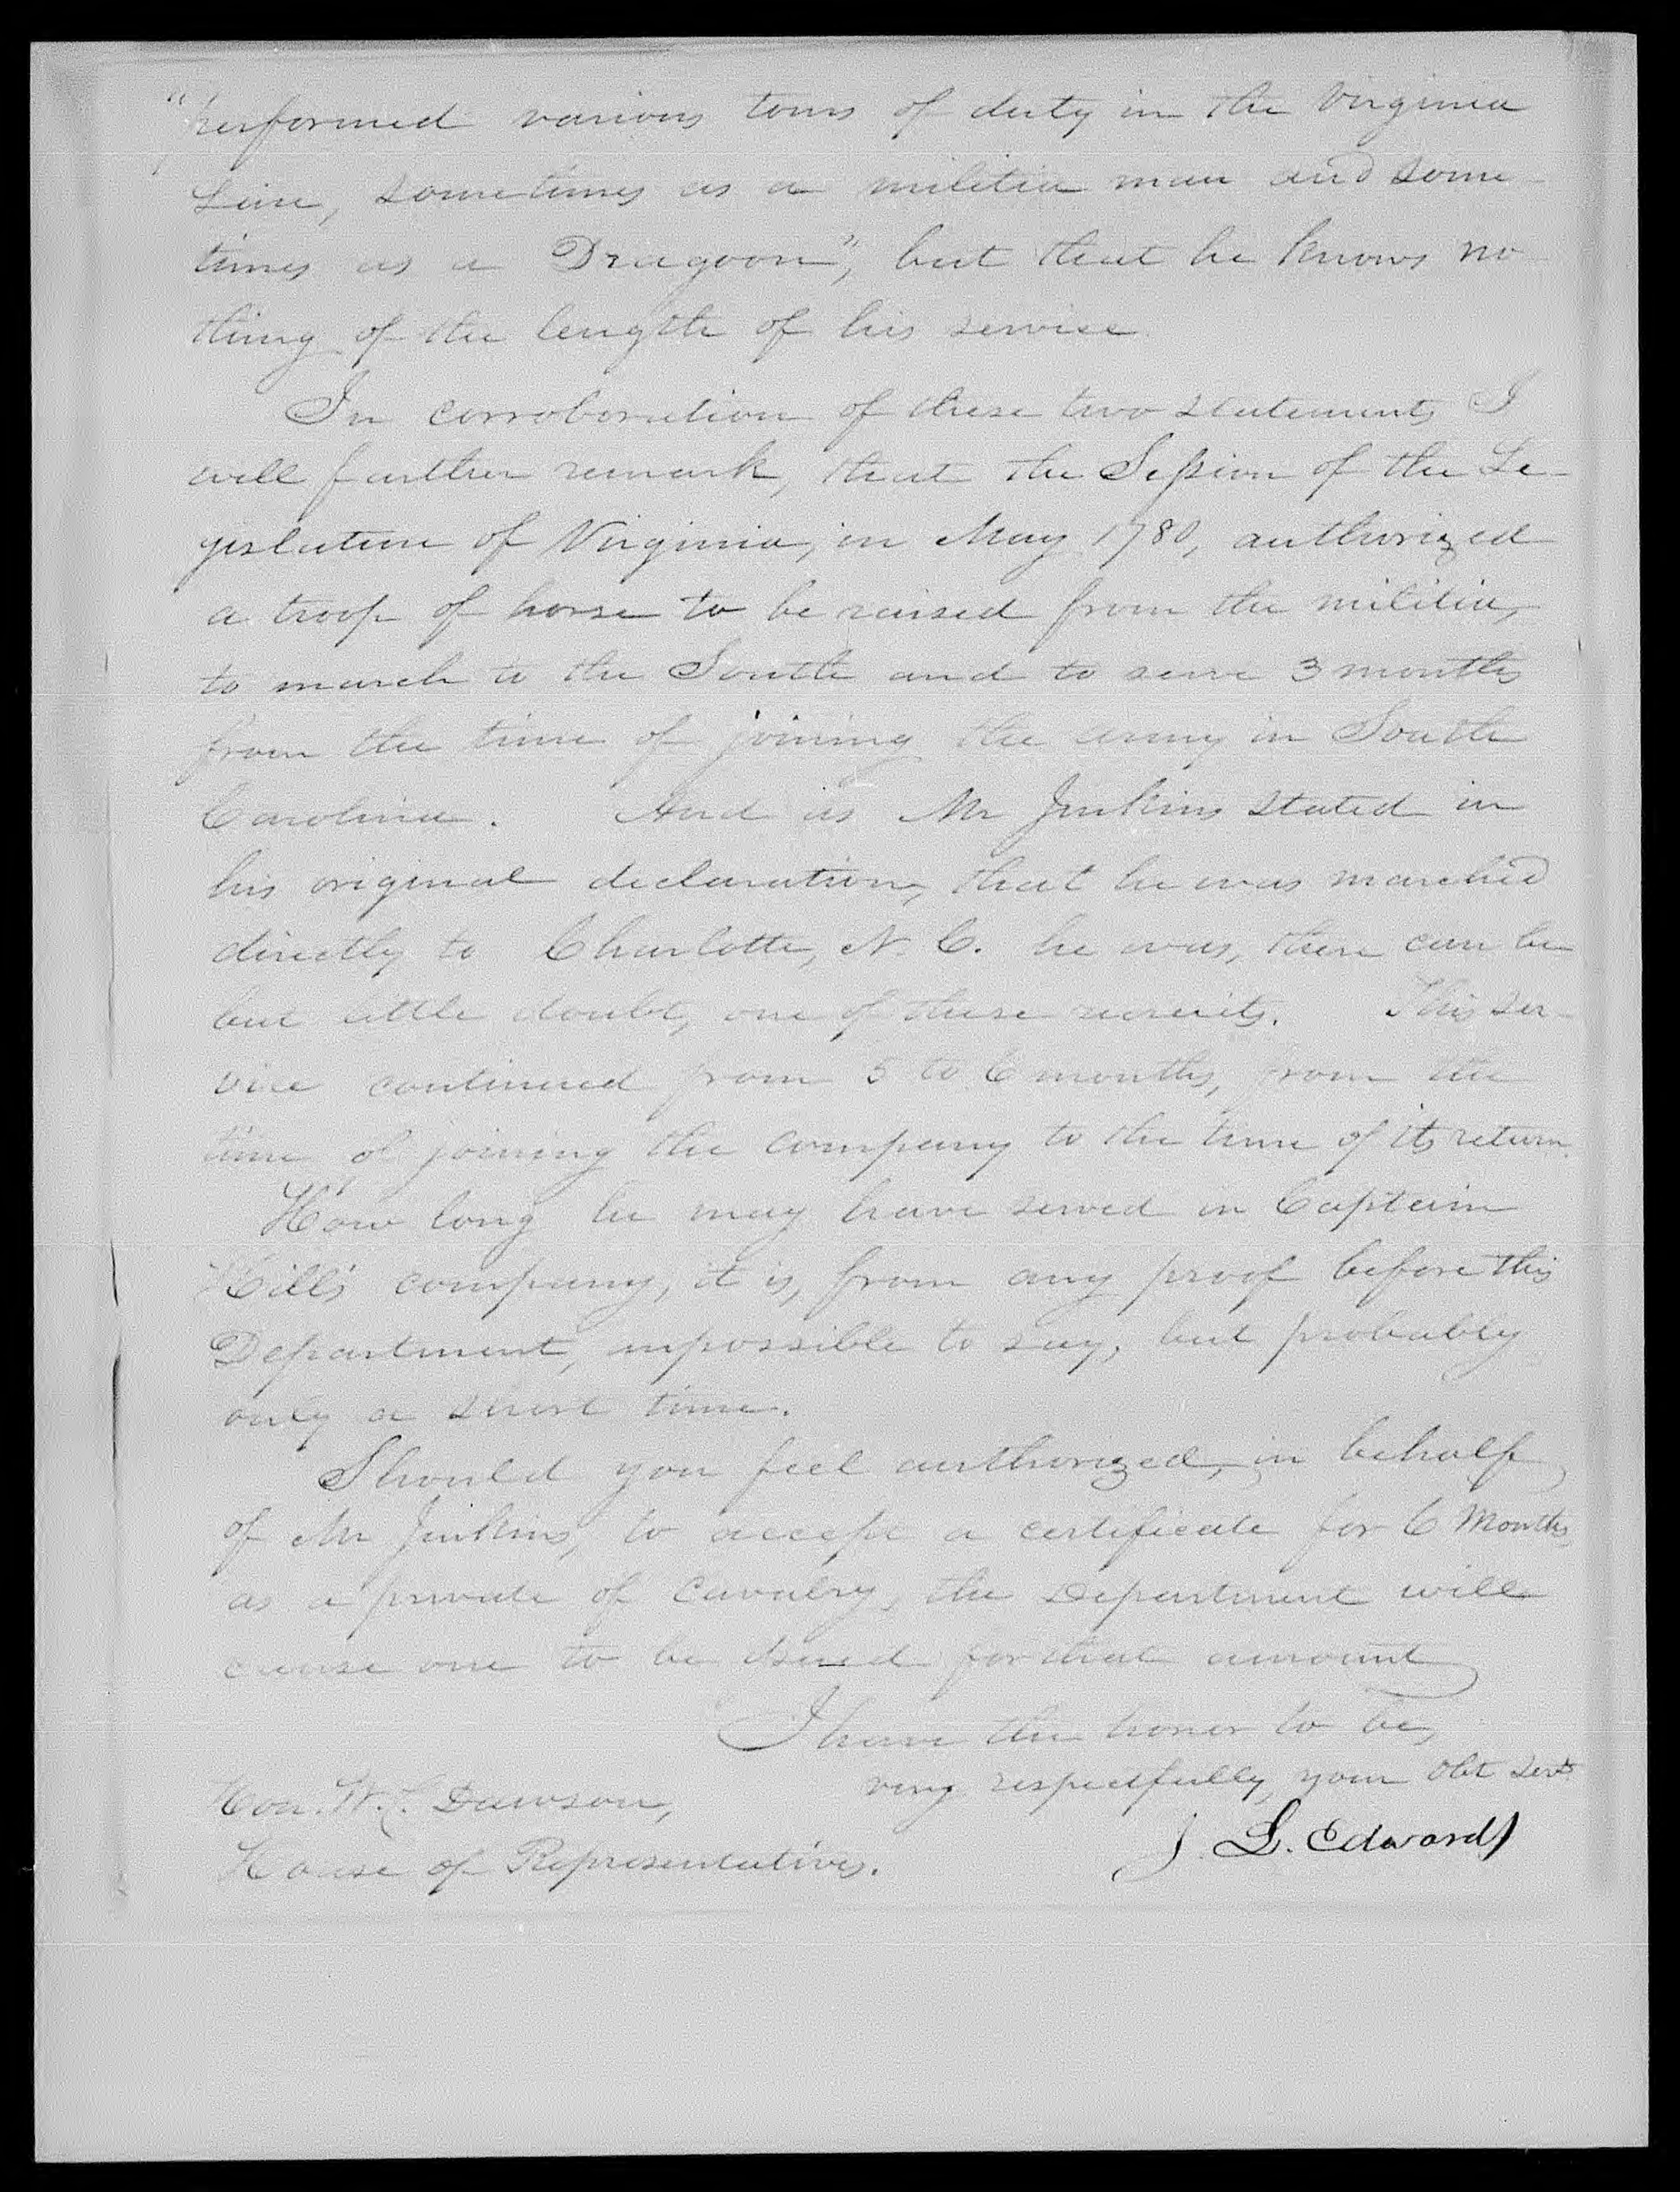"performed various tours of duty in the Virginia Line, sometimes as a militia man and sometimes as a Dragoon," but that he knows nothing of the length of his service.
In corroboration of these two statements I
will further remark, that the Session of the Legislature of Virginia, in May 1780, authorized
a troop of horse to be raised from the militia,
to march to the South and to serve 3 months
from the time of joining the army in South Carolina. And as Mr Jenkins stated in his original declaration, that he was marched
directly to Charlotte, N.C. he was, there can be
but little doubt, one of these recruits. This service continued from 5 to 6 months, from time of joining the company to the time of its return. How long he may have served in Captain Hills company, it is, from any proof before this Department, impossible to say, but probably only a short time. Should you feel authorized, in behalf of Mr Jenkins, to accept a certificate for 6 Months, as a private of Cavalry, the Department will [illegible] one to be paid for that amount
I have the honor to be
very respectfully your obt sevt
J. L. Edwards
Hon. W. C. Dawson,
House of Representatives.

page: 40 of 55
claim: widow's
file: W. 7894, for John Jenkins, Virginia